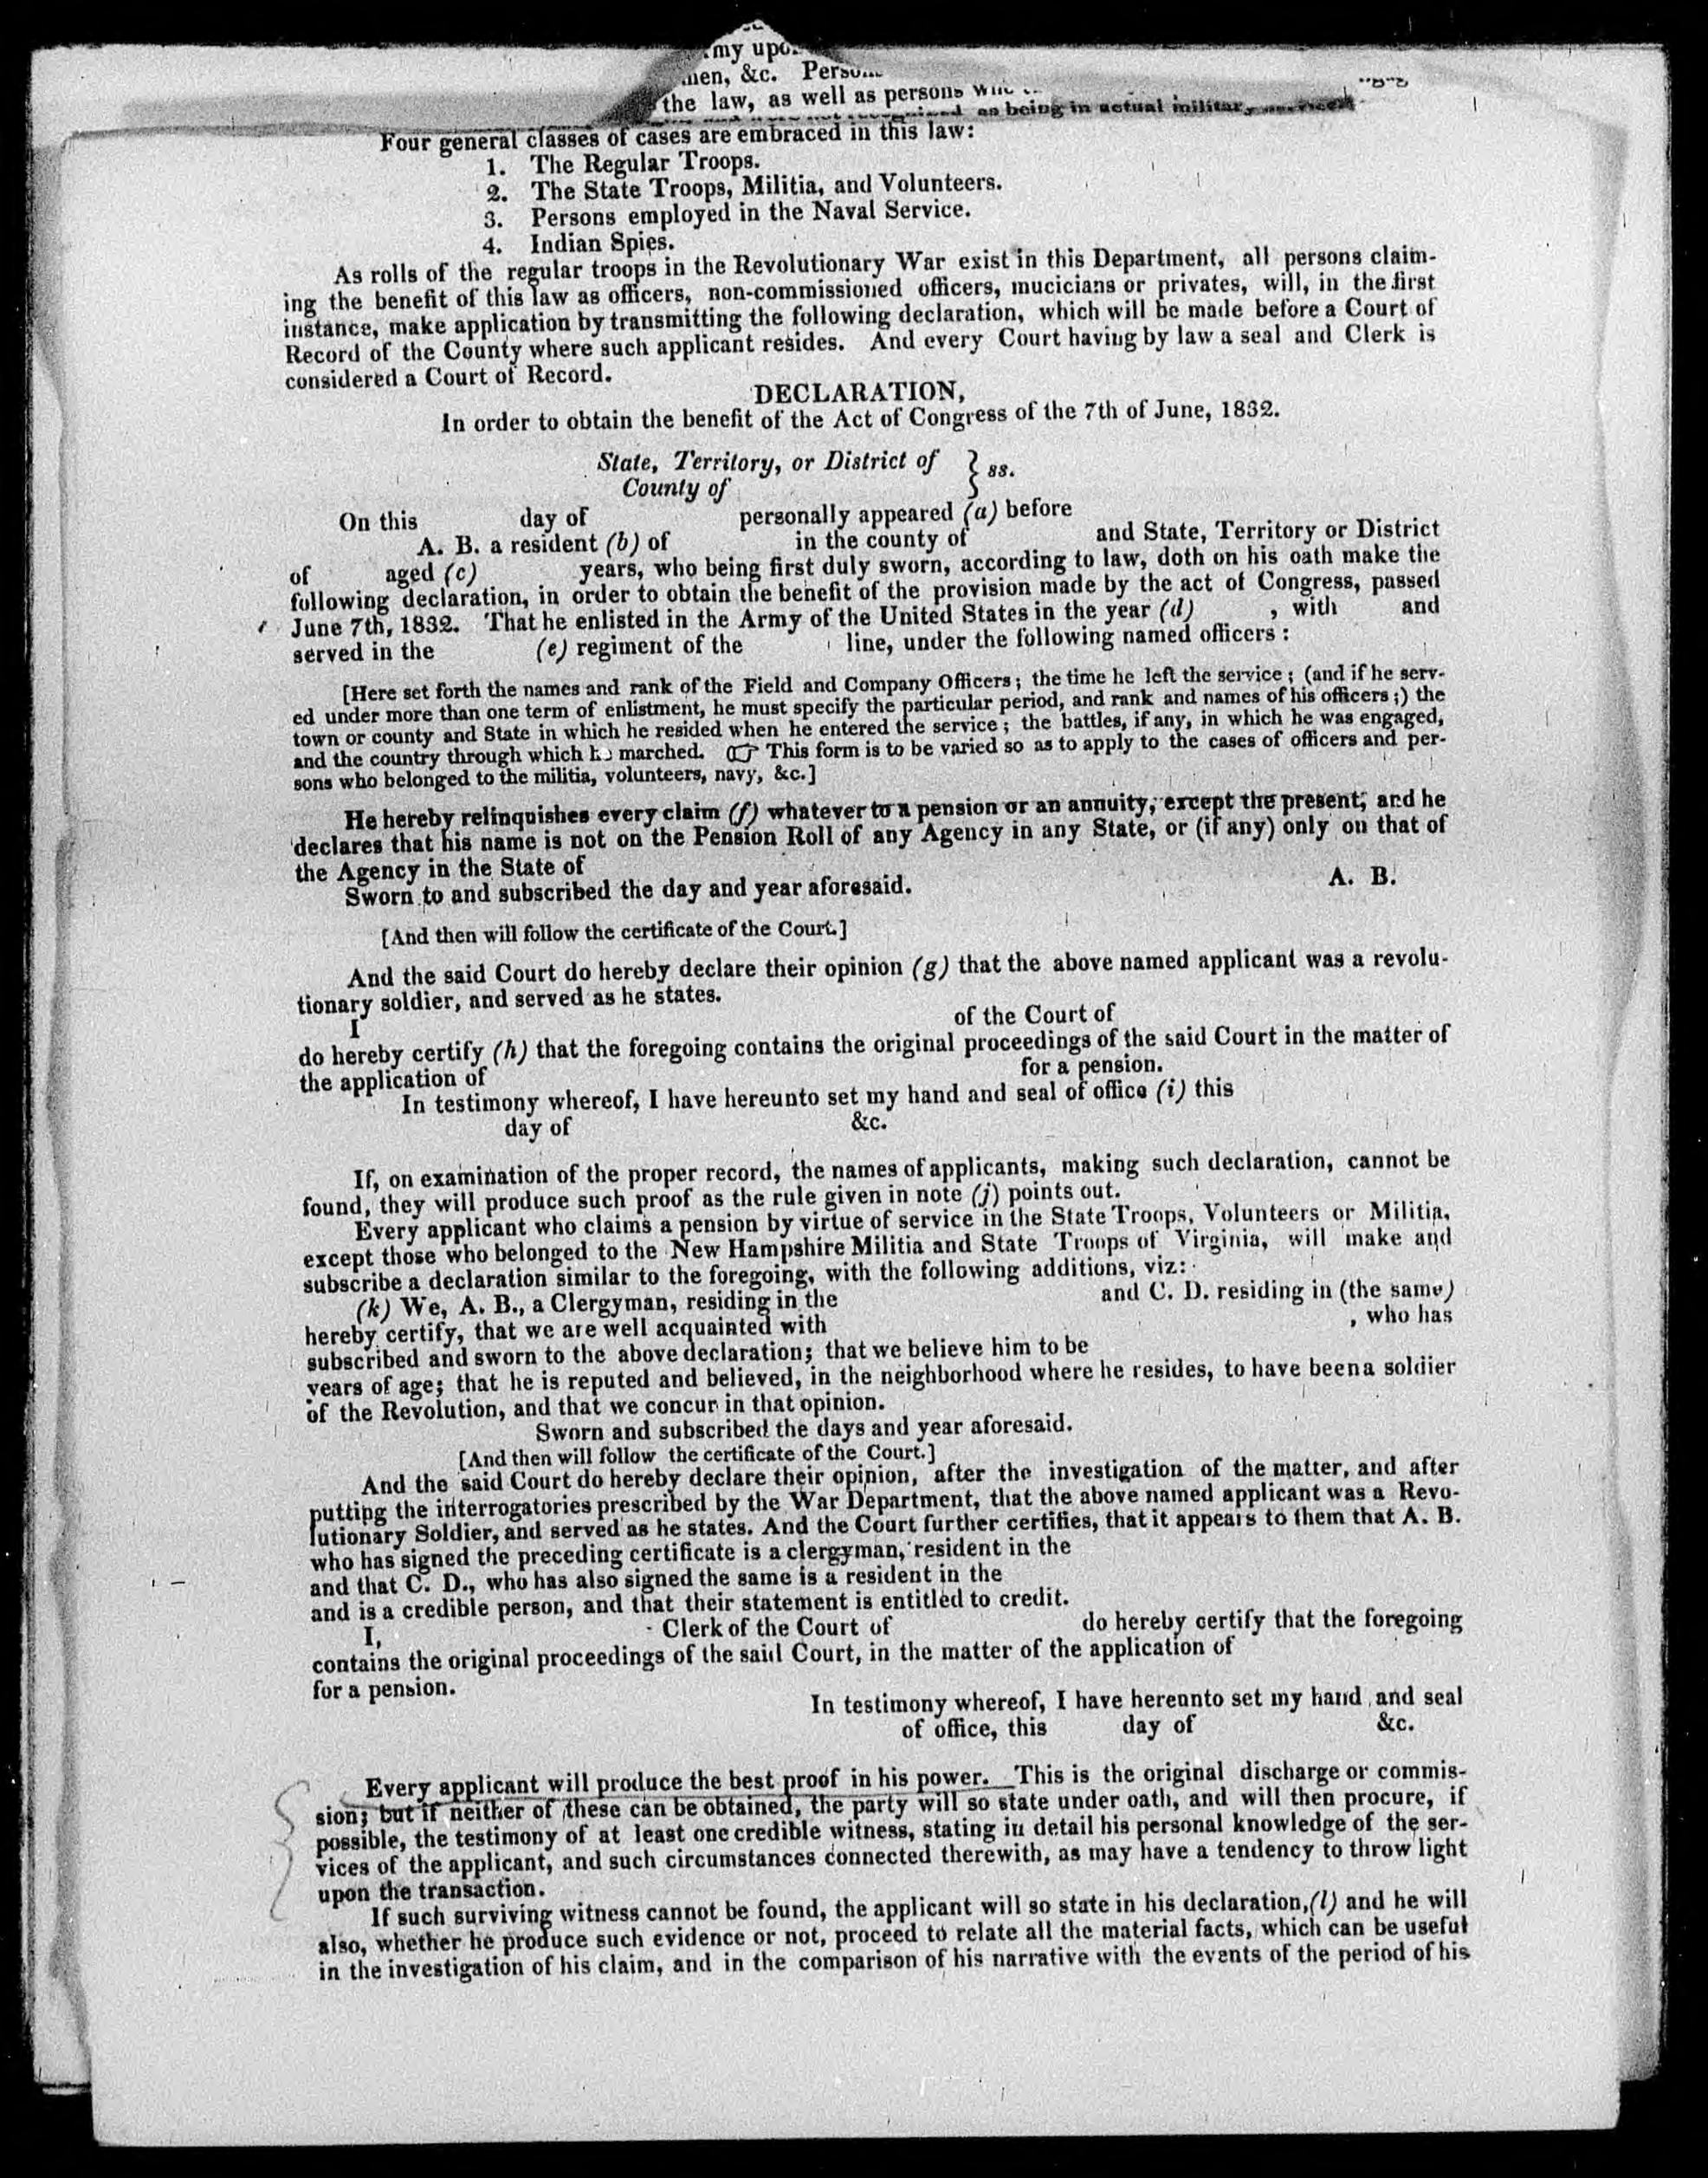of
my upon
men, &c.
Person
the law, as well as persons
as being in actual military 

Four general classes of cases are embraced in this law:
1. The Regular Troops.
2. The State Troops, Militia, and Volunteers.
3. Persons employed in the Naval Service.
4. Indian Spies.
As rolls of the regular troops in the Revolutionary War exist in this Department, all persons claiming
the benefit of this law as officers, non-commissioned officers, mucicians or privates, will, in the first
instance, make application by transmitting the following declaration, which will be made before a Court of
Record of the County where such applicant resides. And every Court having by law a seal and Clerk is
considered a Court of Record.
DECLARATION,
In order to obtain the benefit of the Act of Congress of the 7th of June, 1832.
State, Terriory, or District of
County of
On this            day of               personally appeared (a) before
A. B. a resident (b) of               in the county of                and State, Territory or District
of                aged (c) years, who being first duly sworn, according to law, doth on his oath make the
following declaration, in order to obtain the benefit of the provision made by the act of Congress, passed
June 7th, 1832. That he enlisted in the Army of the United States in the year (d)               , with               and 
served in the               (e) regiment of the               line, under the following named officers:

[Here set forth the names and rank of the Field and Company Officers; the time he left the service; (and if he served
under more than one term of enlistment, he must specify the particular period, and rank and names of his officers;) the
town or county and State in which he resided when he entered the service; the battles, if any, in which he was engaged,
and the country through which he marched. This form is to be varied so as to apply to the cases of officers and persons
who belonged to the militia, volunteers, navy, &c.]

He hereby relinquishes every claim (f) whatever to a pension or an annuity, except the present, and he
declares that his name is not on the Pension Roll of any Agency in any State, or (if any) only on that of
the Agency in the State of
     Sworn to and subscribed the day and year aforesaid.                                                                      A. B.
[And then will follow the certificate of the Court.]

And the said Court do hereby declare their opinion (g) that the above named applicant was a revolutionary
soldier, and served as he states.
I               of the Court of               
do hereby certify (h) that the foregoing contains the original proceedings of the said Court in the matter of
the application of               for a pension.
     In testimony whereof, I have hereunto set my hand and seal of office (i) this
day of               & c.

     If, on examination of the proper record, the names of applicants, making such declaration, cannot be
found, they will produce such proof as the rule given in note (j) points out.
     Every applicant who claims a pension by virtue of service in the State Troops, Volunteers or Militia,
except those who belonged to the New Hampshire Militia and State Troops of Virginia, will make and
subscribe a declaration similar to the foregoing, with the following additions, viz:
     (k) We, A. B., a Clergyman, residing in the               and C.D. residing in (the same)
hereby certify, that we are well acquainted with               , who has
subscribed and sworn to the above declaration; that we believe him to be               
years of age; that he is reputed and believed, in the neighborhood where he resides, to have been a soldier
of the Revolution, and that we concur in that opinion.
                              Sworn and subscribed the days and year aforesaid.
               [And then will follow the certificate of the Court.]
     And the said Court do hereby declare their opinion, after the investigation of the matter, and after
putting the interrogatories prescribed by the War Department, that the above named applicant was a Revolutionary
Soldier, and served as he states. And the Court further certifies, that it appears to them that A.B.
who has signed the preceding certificate is a clergyman, resident in the
and that C. D., who has also signed the same is a resident in the
and is a credible person, and that their statement is entitled to credit.
I,                Clerk of the Court of               do hereby certify that the foregoing
contains the original proceedings of the said Court, in the matter of the application of
for a pension.
                                                            In testimony whereof, I have hereunto set my hand and seal
                                                                           of office, this               day of               & c.

     Every applicant will produce the best proof in his power [underlined]. This is the original discharge or commission; 
but if neither of these can be obtained, the party will so state under oath, and will then procure, if
possible, the testimony of at least one credible witness, stating in detail his personal knowledge of the services
of the applicant, and such circumstances connected therewith, as may have a tendency to throw light
upon the transaction.
     If such surviving witness cannot be found, the applicant will so state in his declaration, (l) and he will
also, whether he produce such evidence or not, proceed to relate all the material facts, which can be useful
in the investigation of his claim, and in the comparison of his narrative with the events of the period of his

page: 26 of 57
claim: widow's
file: W. 5275 1/2, Michael Foster, Penn.